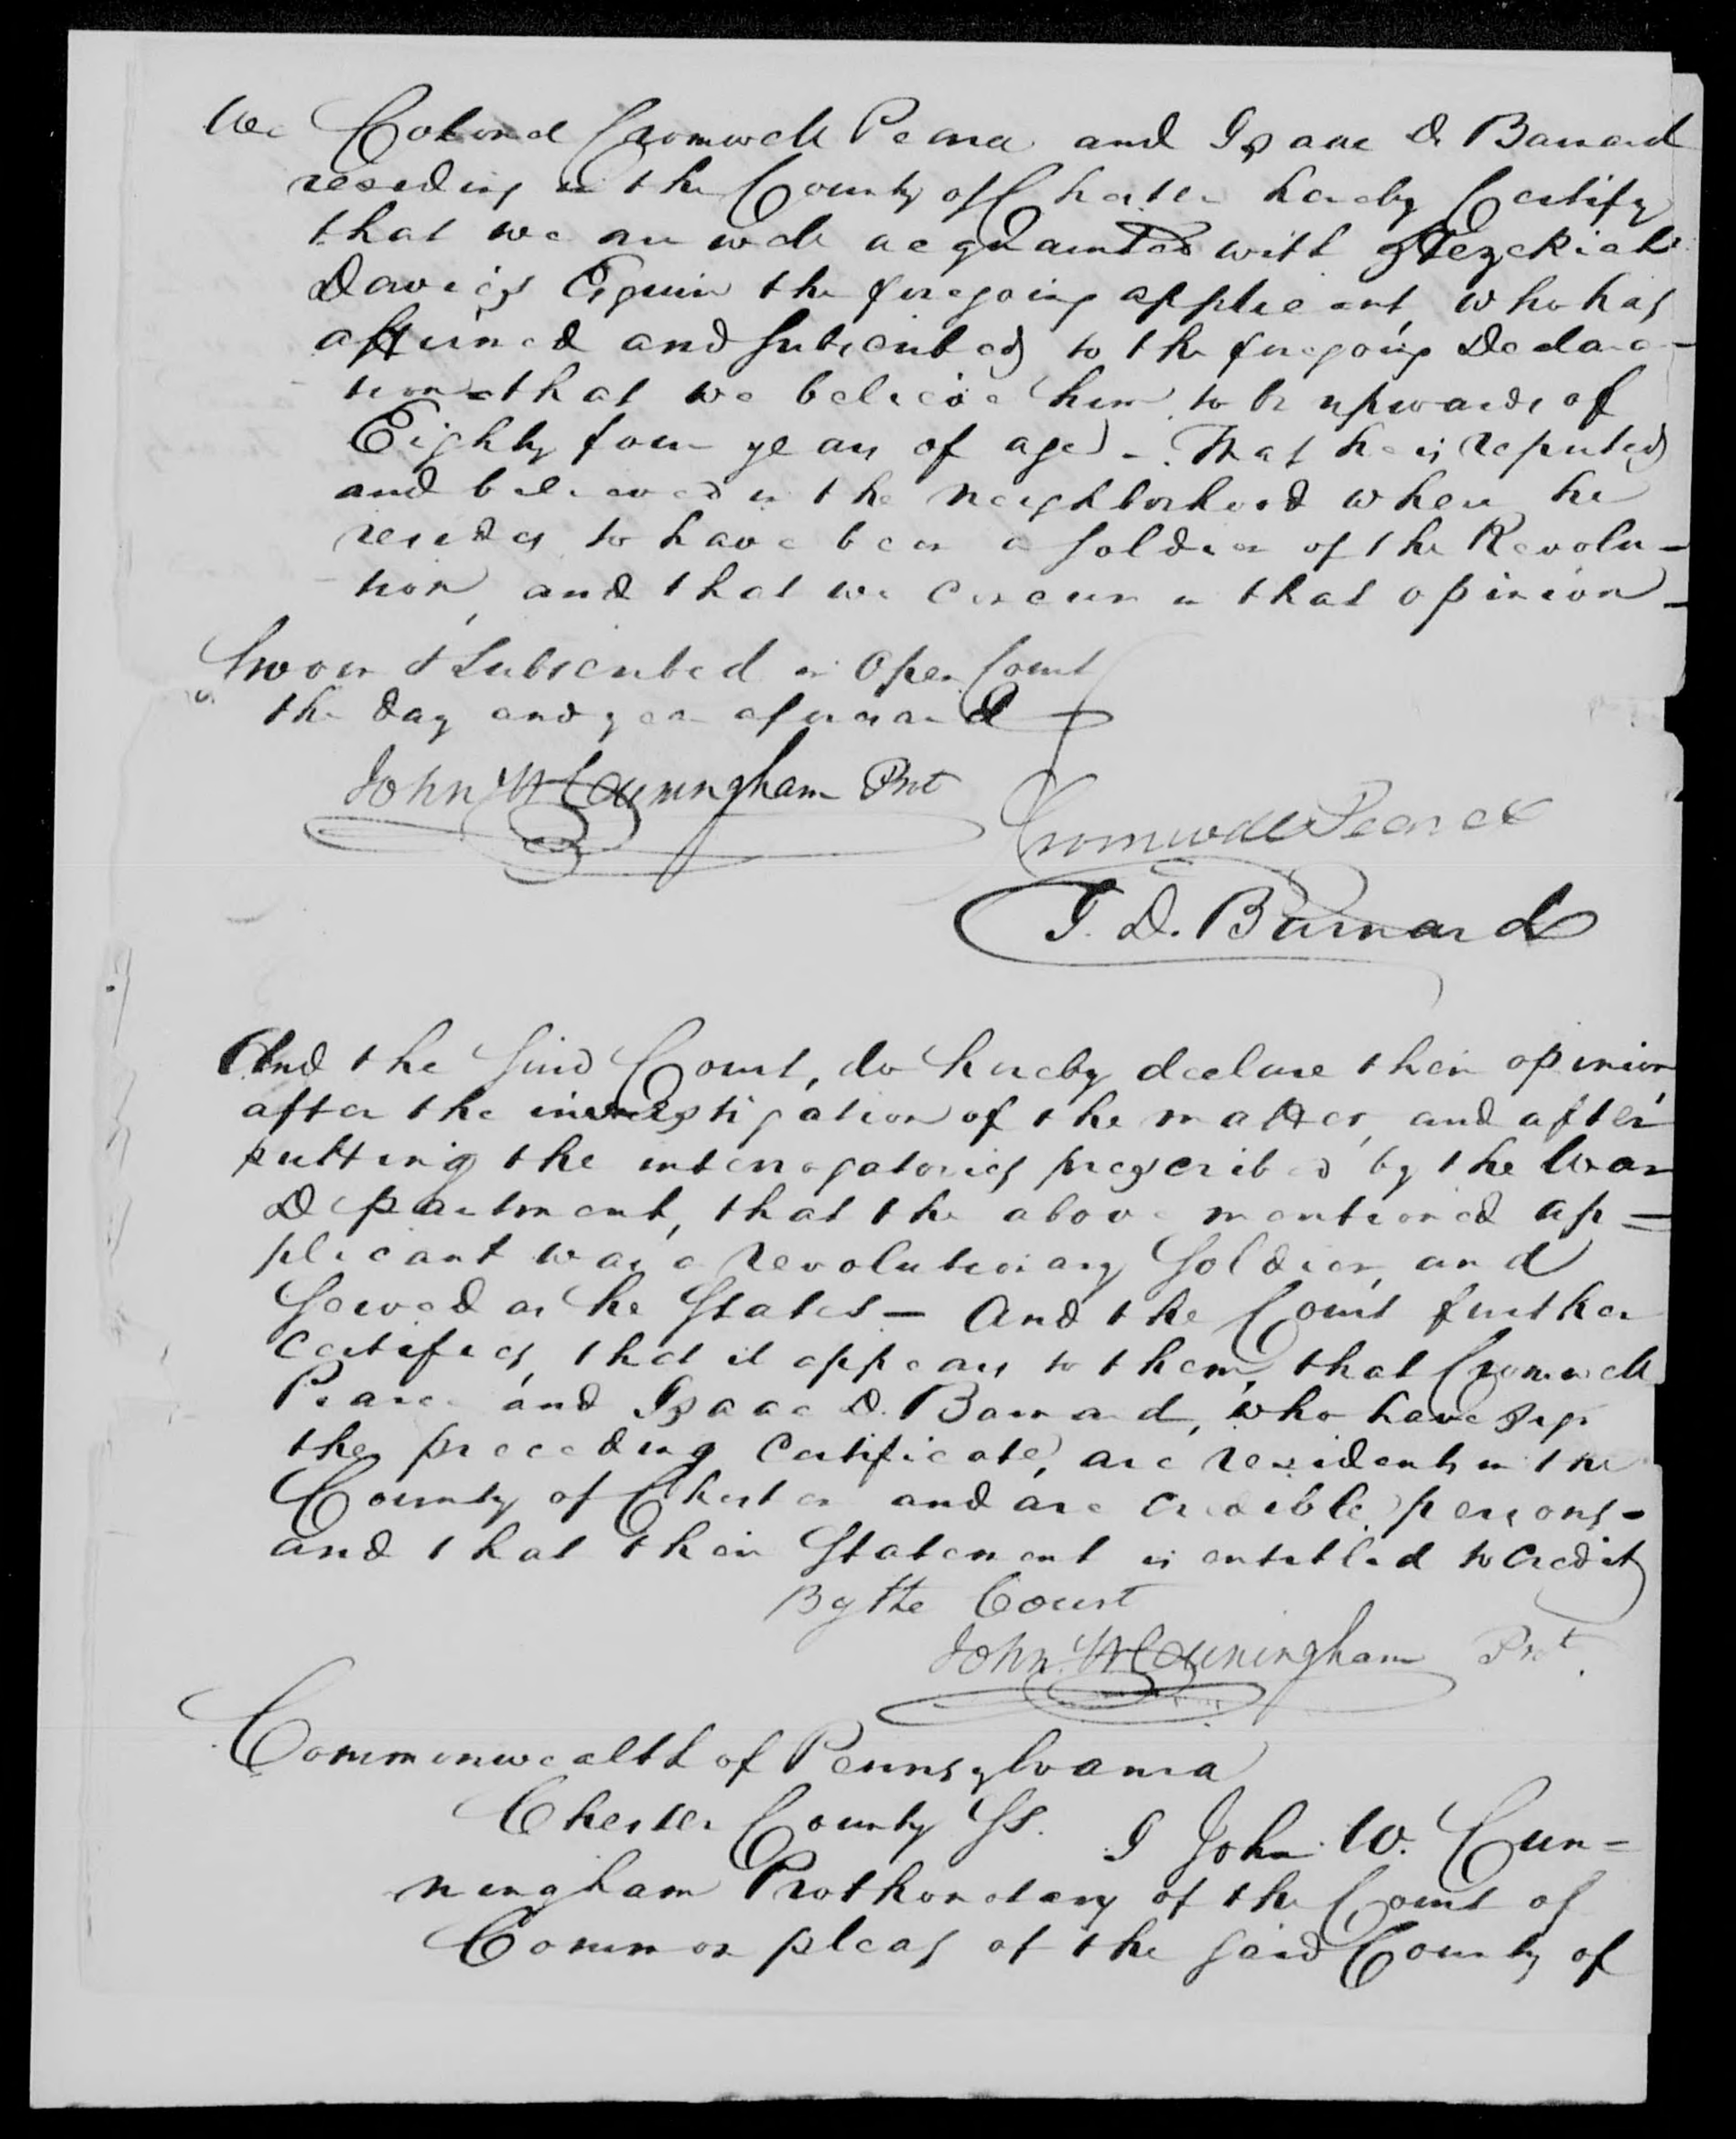We
Colonel Cromwell Pearce and Isaac D. Barnard residing in the County of Chester hereby Certify that we are well acquainted with Hezekiah Davies, Esquire the foregoing applicant who has affirmed and subscribed to the foregoing Declaration that we believe him to be upwards of Eighty four years of age. That he is reputed and believed in the neighborhood where he resides to have been a soldier of the Revolution and that we concur that opinion.

Sworn & subscribed in open Court
the day and year aforesaid
John W Cuningham Prot
Cromwell Pearce
I. D. Barnard

And the said Court, do hereby declare their opinion
after the investigation of the matter, and after
putting the interrogatories prescribed by the war
Department, that the above mentioned applicant was a revolutionary soldier and
served as he states. And the Court further
Certifies, that it appears to them that Cromwell
Pearce and Isaac D. Barnard, who have sign
the preceding certificate are resident in the
County of Chester and are credible persons
and that their statement is entitled to credit
By the Court
John W Cuningham Prot. 

Commonwealth of Pennsylvania
Chester County Ss I John W. Cunningham Prothonotary of the Court of
Common pleas of the said County of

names: Cromwell Pearce, Isaac D Barnard, John W Cuningham, Hezekiah Davies, Cromwell Pearce, Isaac D Barnard, I D Barnard, John W Cunningham, John W Cuningham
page: 9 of 57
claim: survivor's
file: S. 2161, Hezekiah Davies, Penn